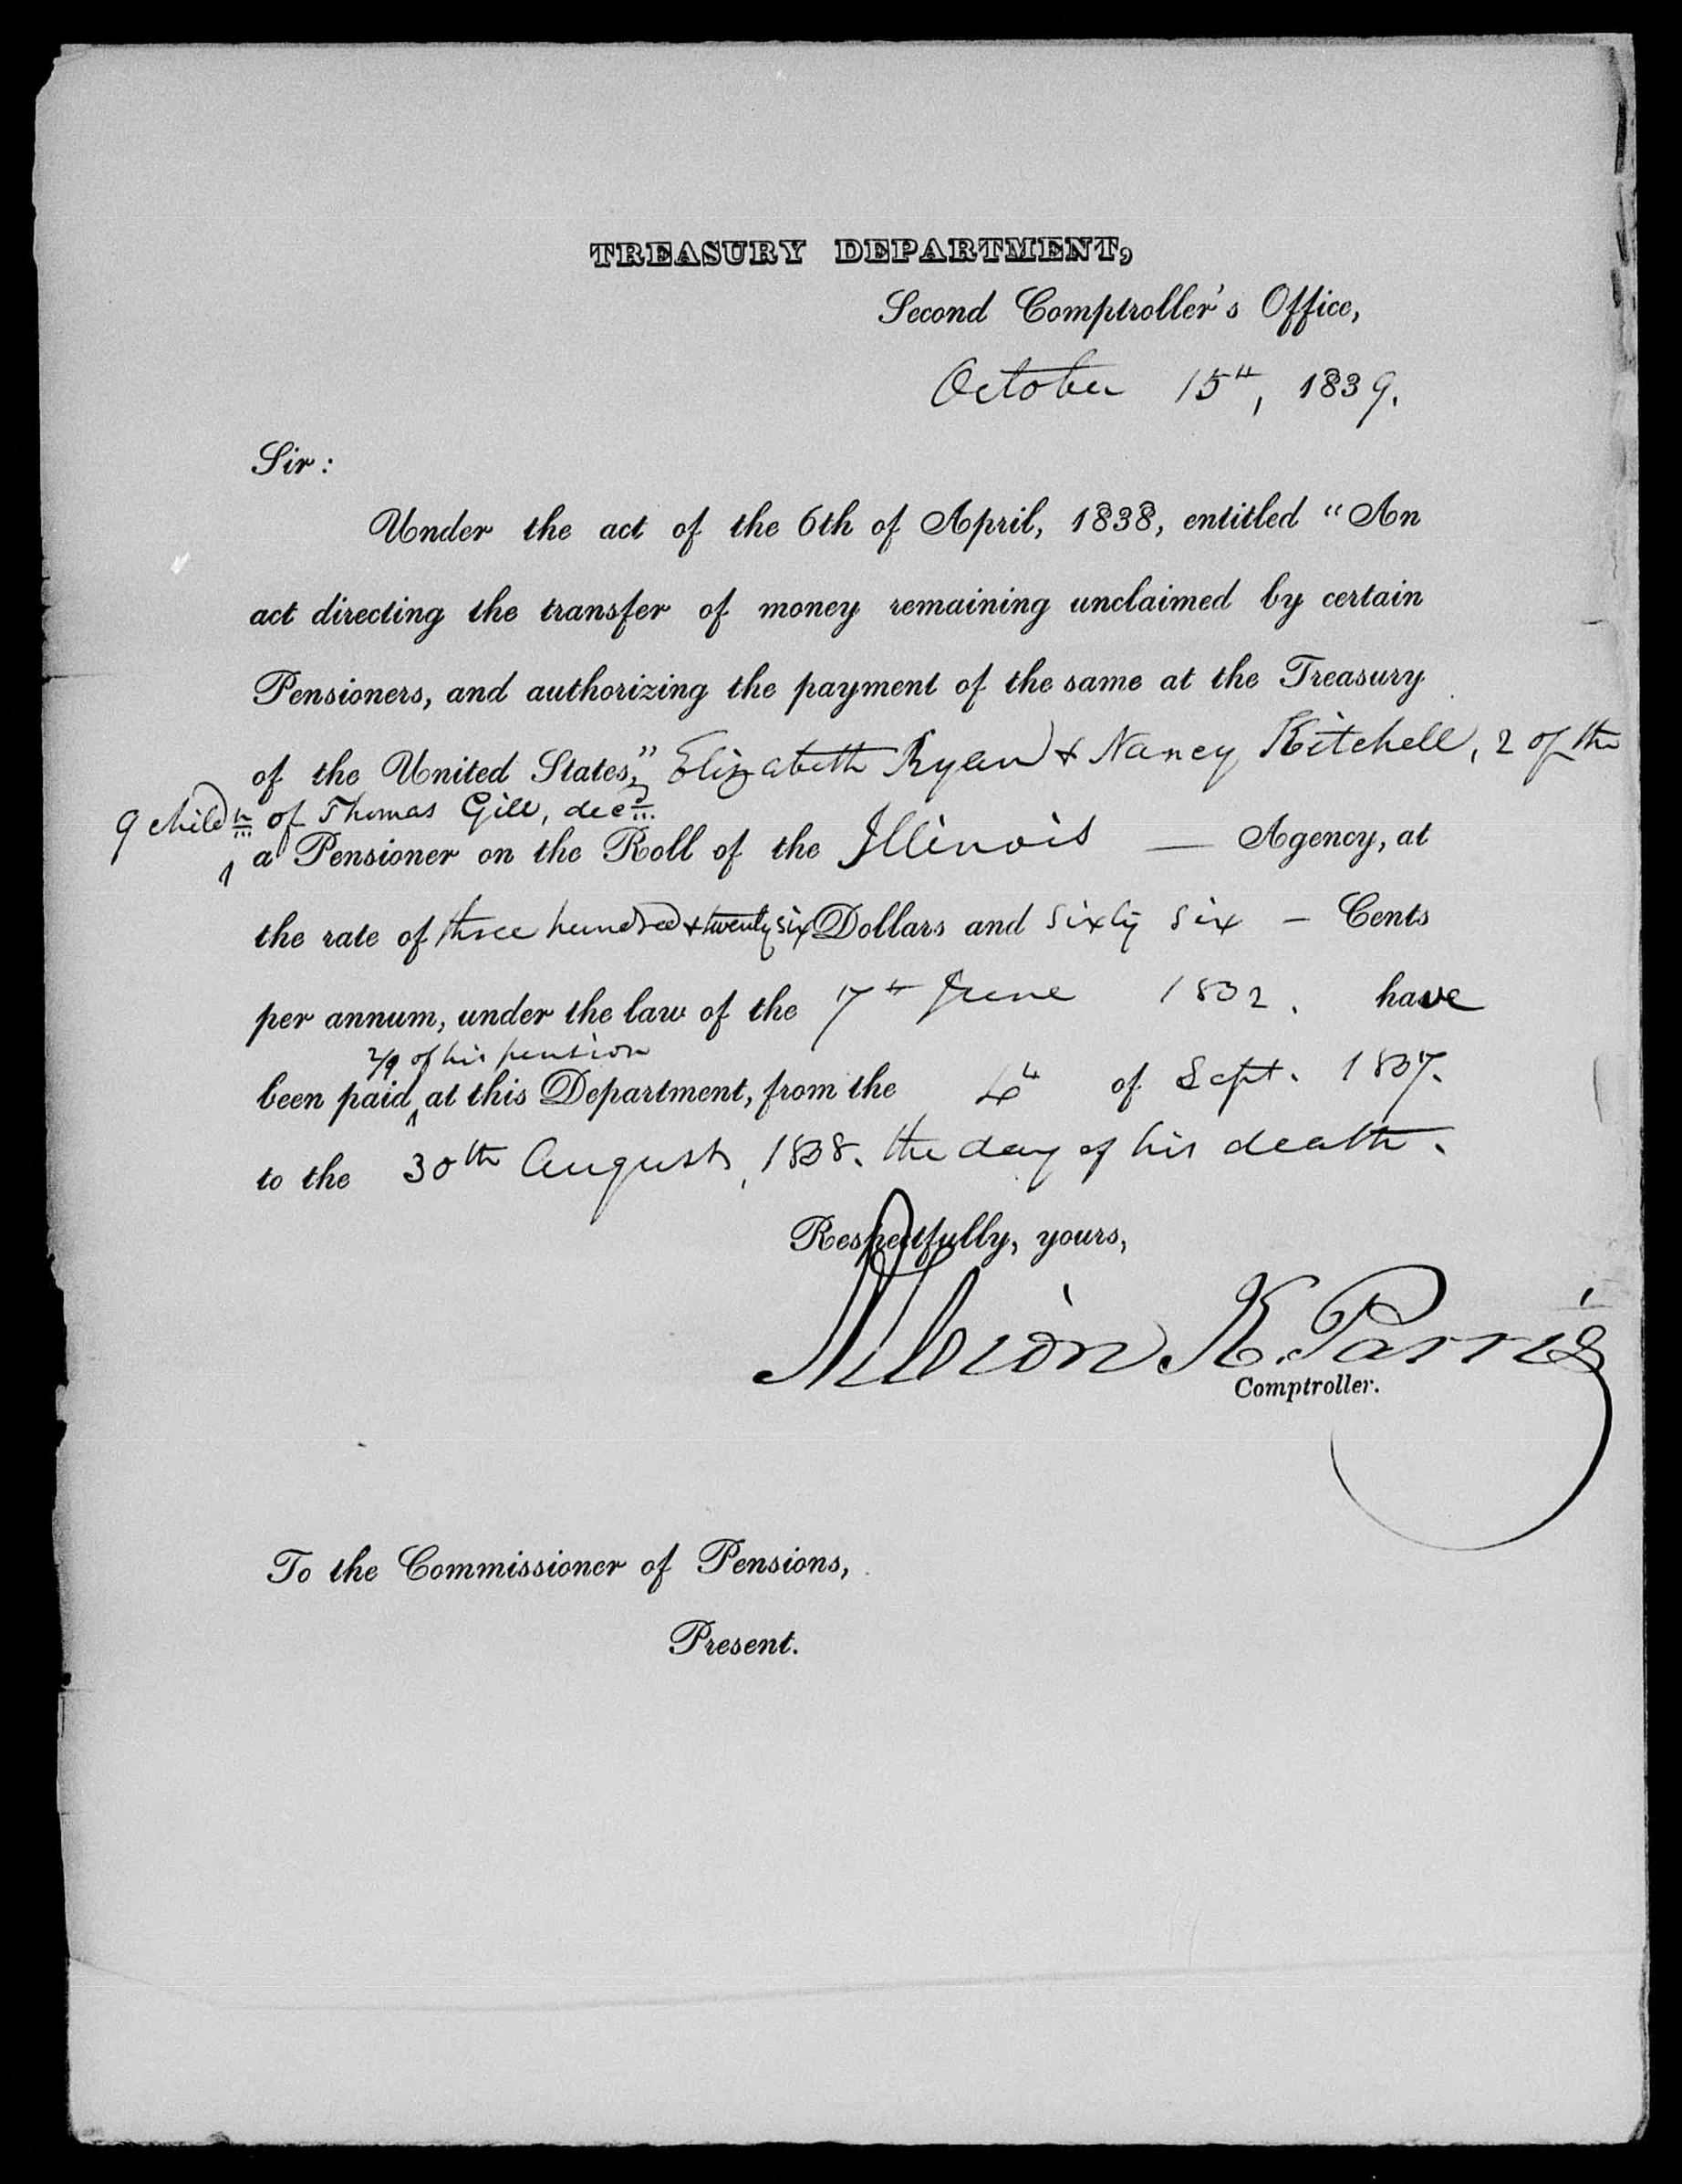TREASURY DEPARTMENT . Second Comptroller's Office October 15th 1839.  Sir : Under the act of the 6th  of April 1838 , entitled " An act directing the transfer of money  remaining unclaimed by certain Pensioners , and authorizing the payment of the same at the Treasury of the United States , "  Elizabeth  Ryan & Nancy Kitchell ,  2 of 9 children of  Thomas Gill dec'd  a Pensioner on the Roll of the Illinois Agency at the rate of three hundred & twenty six  Dollars and sixty six  Cents per annum, under the law of the 7th June 1832, have been paid 2/9 of his pension at this Department , from the 4th of Dept. 1837  to the 30th  August 1838, the day of his death.  Respectfully yours, Albion K. Parris Comptroller.  To the Commissioner of Pensions Present .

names: Albion K Parris, Elizabeth Ryan, Nancy Kitchell, Thomas Gill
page: 4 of 44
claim: survivor's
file: S. 31,061, Thomas Gill, S.C.